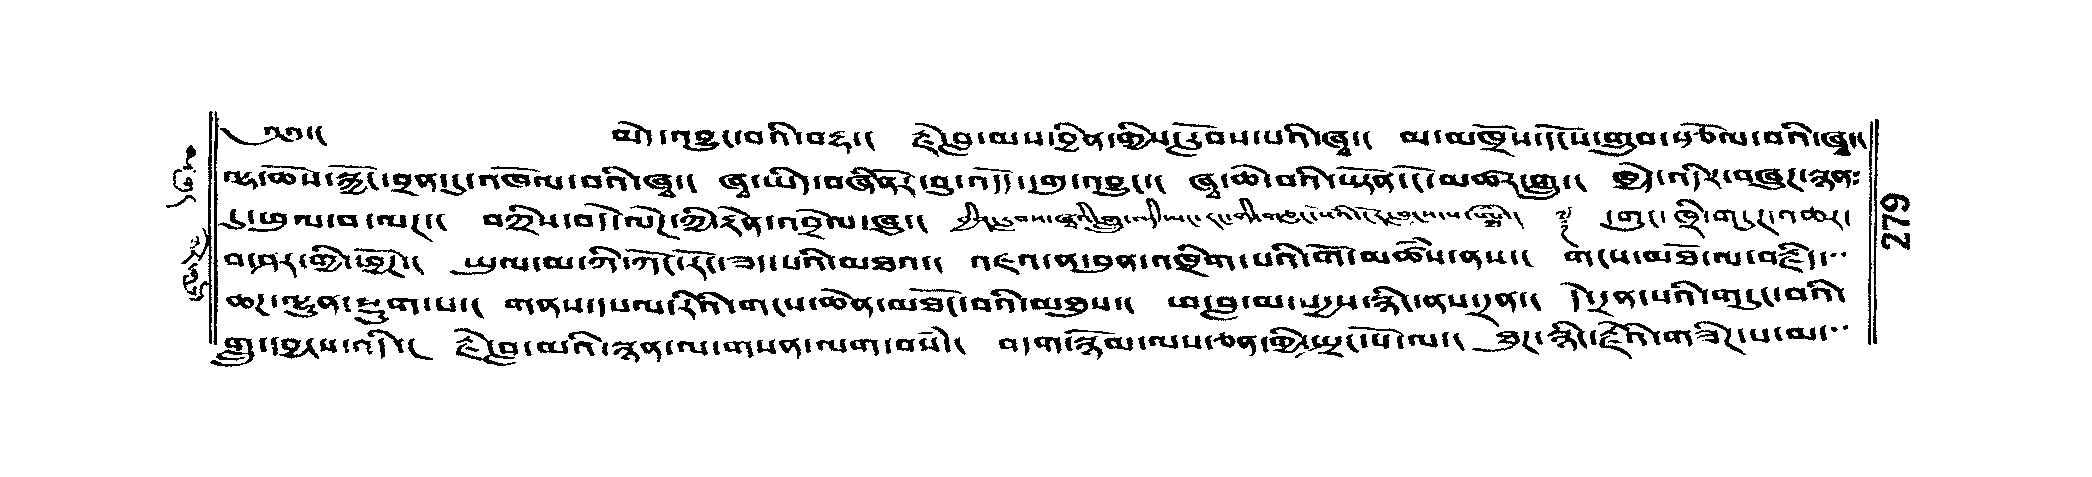མེད་འབྱུང་བའི་བརྡ། །རྗེ་བླ་མས་བྱིན་གྱིས་རློབ་པའི་ཞྭ། །མ་མཁའ་འགྲོས་དངོས་གྲུབ་སྩོལ་བའི་ཞྭ། །
ལྷ་ཆོས་སྐྱོང་བྲན་དུ་འཁོལ་བའི་ཞྭ། །ཞྭ་ཡིད་བཞིན་ནོར་བུ་འདོད་དགུ་འབྱུང་། །ཞྭ་ཆེ་བའི་ཡོན་ཏན་ངོ་མཚར་གླུ། །ཁྱེད་འདིར་བཞུགས་སྙན་
དུ་ཕུལ་བ་ལགས། བཀྲ་ཤིས་བདེ་ལེགས་ཀྱི་རྟེན་འབྲེལ་ཞུ།། བྱིན་རླབས་ཞྭའི་གླུ་འདི་ཡང་རང་གི་གཅུང་པོའི་ངོར་བླངས་པ་།། ༈ དགུང་ཁྲི་གདུགས་འཆར་
བ་ཤར་གྱི་ཕྱོགས། ཡུལ་མ་ཀི་ཀོང་རོང་ཟད་པའི་མཐའ། །འཇའ་ན་བུན་འཁྲིགས་པའི་གོ་མཚམས་ནས། །གངས་མཐོ་ལ་བརྗིད་
ཆགས་ལྷུན་སྡུག་པ། །གནས་དཔལ་རིའི་གངས་ཆེན་མཐོང་བའི་མཐུས། །ཕ་བླ་མ་སངས་རྒྱས་སྙིང་ནས་དྲན། །དེ་དྲན་པས་གདུང་བའི་
གླུ་དབྱངས་འདི། །རྗེ་བླ་མའི་སྙན་ལ་གསན་ལགས་བསམ། །བདག་སྙོམ་ལས་ཅན་གྱི་སྤྲང་པོ་ལ། །ཐུགས་སྙིང་རྗེའི་གཟིགས་པ་མ་